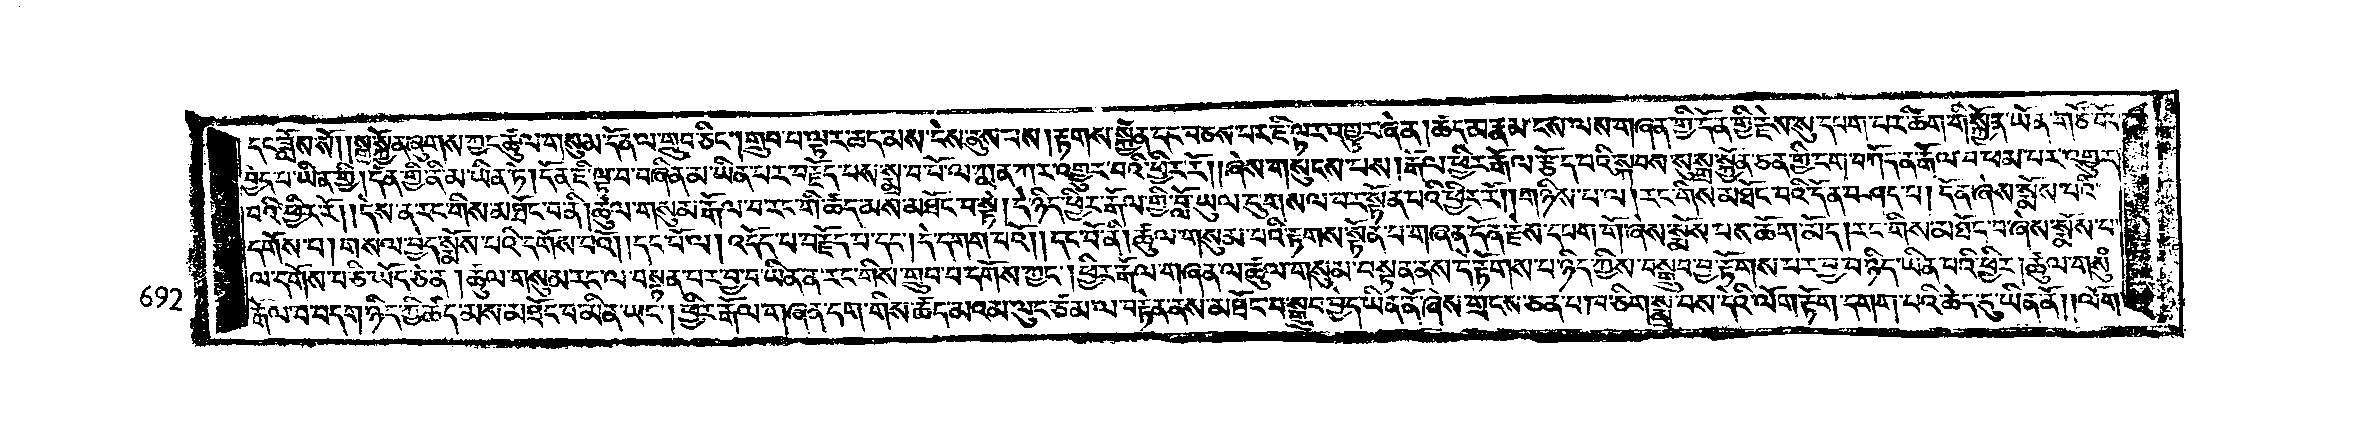དང་ཟློས་སོ། །སྒྲ་སྐྱོན་ཞུགས་ཀྱང་ཚུལ་གསུམ་དོན་ལ་གྲུབ་ཅིང་། གྲུབ་པ་ལྟར་ཚད་མས་ངེས་ནུས་པས། རྟགས་སྐྱོན་དང་བཅས་པར་ཇི་ལྟར་འགྱུར་ཞེ་ན། ཚད་མ་རྣམ་ངས་ལས་གཞན་གྱི་དོན་གྱི་རྗེས་སུ་དཔག་པར་ཚིག་གི་སྐྱོན་ཡོན་གཙོ་བོར་
བྱེད་པ་ཡིན་གྱི། དོན་གྱི་ནི་མ་ཡིན་ཏེ། དོན་ཇི་ལྟ་བ་བཞིན་མ་ཡིན་པར་བརྗོད་པས་སྨྲ་བ་པོ་ལ་ཀླན་ཀར་འགྱུར་བའི་ཕྱིར་རོ། །ཞེས་གསུངས་པས། རྒོལ་ཕྱིར་རྒོལ་རྩོད་པའི་སྐབས་སུ་སྒྲ་སྐྱོན་ཅན་གྱི་ངག་བཀོད་ན་རྒོལ་བ་ཕམ་པར་འགྱུར་
བའི་ཕྱིར་རོ། །དེས་ན་རང་གིས་མཐོང་བ་ནི། ཚུལ་གསུམ་རྒོལ་བ་རང་གི་ཚད་མས་མཐོང་བ་སྟེ། དེ་ཉིད་ཕྱིར་རྒོལ་གྱི་བློ་ཡུལ་དུ་གསལ་བར་སྟོན་པའི་ཕྱིར་རོ། །གཉིས་པ་ལ། རང་གིས་མཐོང་བའི་དོན་བཤད་པ། དོན་ཞེས་སྨོས་པའི་
དགོས་པ། གསལ་བྱེད་སྨོས་པའི་དགོས་པའོ། །དང་པོ་ལ། འདོད་པ་བརྗོད་པ་དང་། དེ་དགག་པའོ། །དང་པོ་ནི། ཚུལ་གསུམ་པའི་རྟགས་སྟོན་པ་གཞན་དོན་རྗེས་དཔག་གོ་ཞེས་སྨོས་པས་ཆོག་མོད། རང་གིས་མཐོང་བ་ཞེས་སྨོས་པ་
ལ་དགོས་པ་ཅི་ཡོད་ཅེ་ན། ཚུལ་གསུམ་རང་ལ་བསྟན་པར་བྱ་བ་ཡིན་ན་རང་གིས་གྲུབ་པ་དགོས་ཀྱང་། ཕྱིར་རྒོལ་གཞན་ལ་ཚུལ་གསུམ་བསྟན་ནས་དེ་རྟོགས་པ་ཉིད་ཀྱིས་བསྒྲུབ་བྱ་རྟོགས་པར་བྱ་བ་ཉིད་ཡིན་པའི་ཕྱིར། ཚུལ་གསུམ་
རྒོལ་བ་བདག་ཉིད་ཀྱི་ཚད་མས་མཐོང་བ་མིན་ཡང་། ཕྱིར་རྒོལ་གཞན་དག་གིས་ཚད་མའམ་ལུང་ཙམ་ལ་བརྟེན་ནས་མཐོང་བ་སྒྲུབ་བྱེད་ཡིན་ནོ་ཞེས་གྲངས་ཅན་པ་ཁ་ཅིག་སྨྲ་བས་དེའི་ལོག་རྟོག་དགག་པའི་ཆེད་དུ་ཡིན་ནོ། །ལོག་